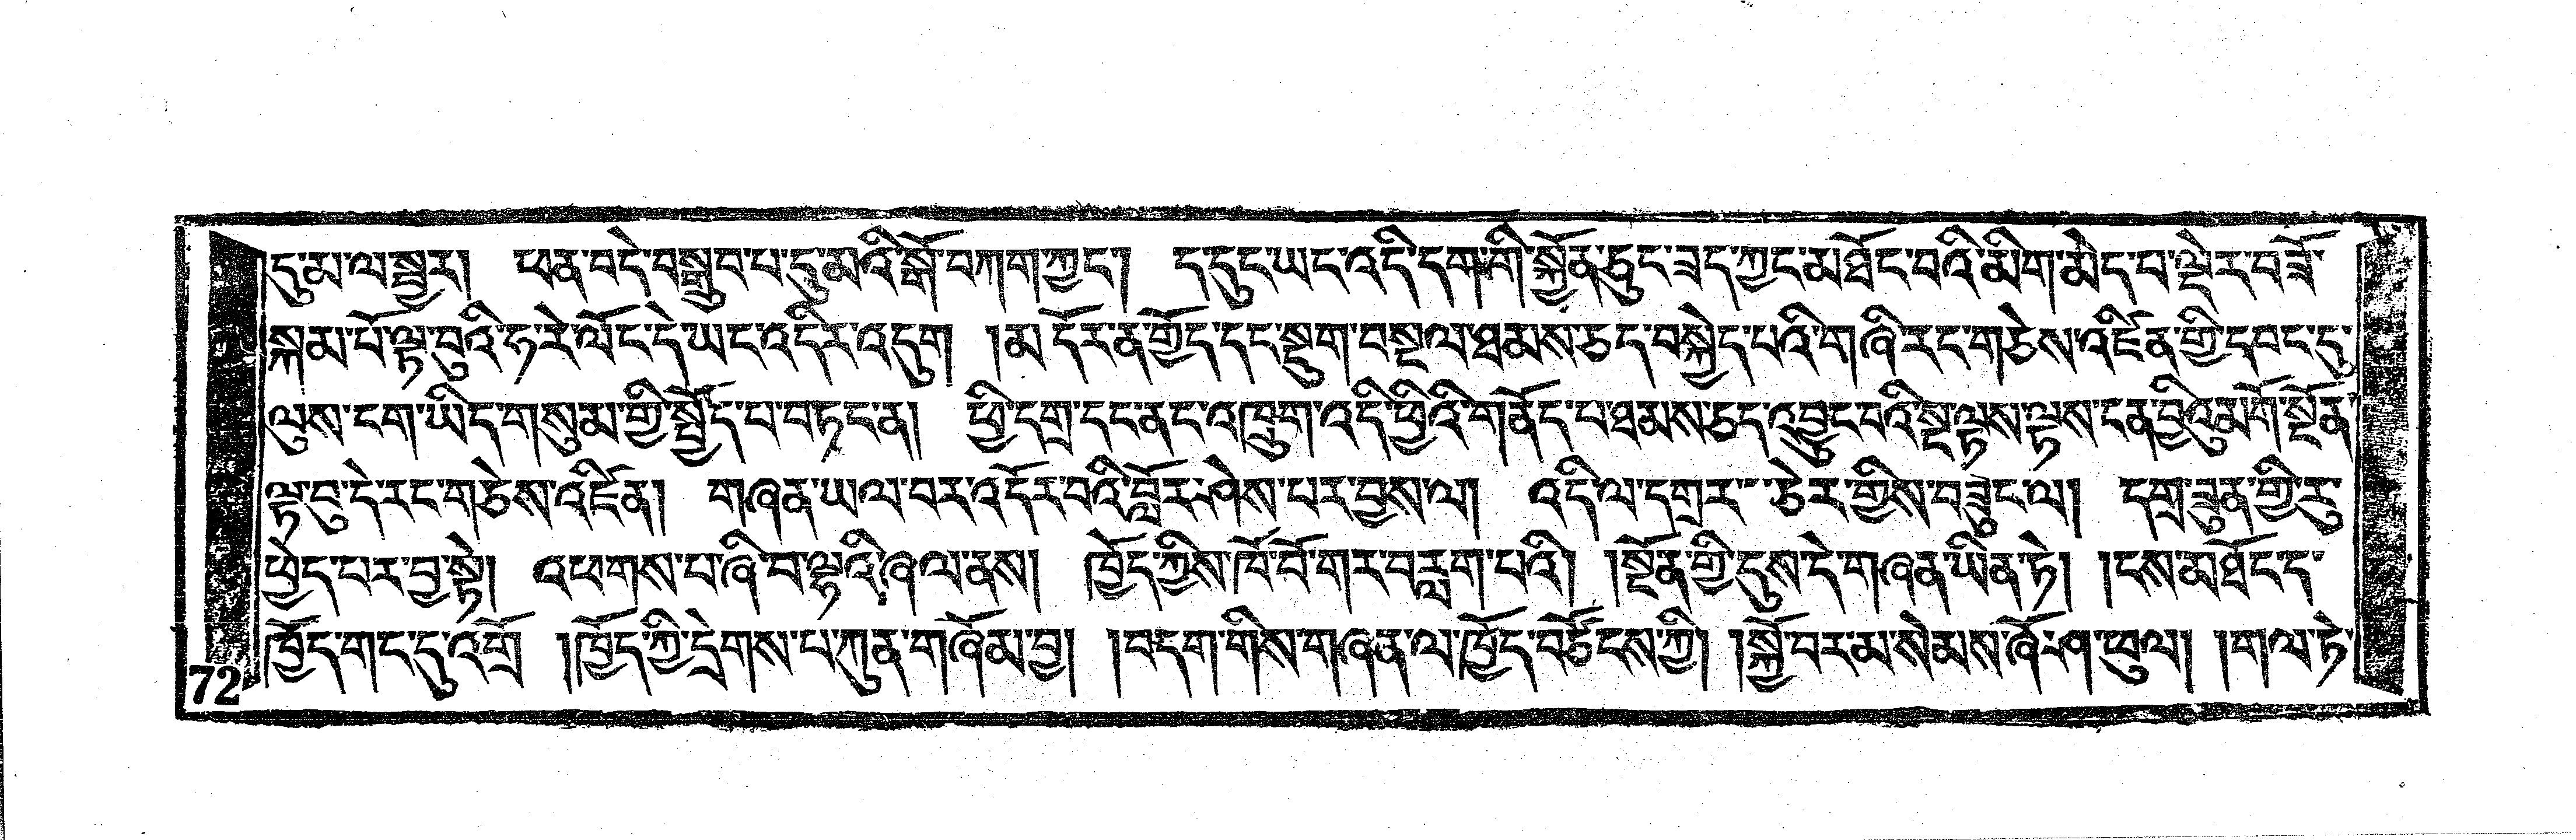དུ་མ་ལ་སྦྱར། ཕན་བདེ་བསྒྲུབ་པ་དུ་མའི་སྒོ་བཀག་ཀྱང་། ད་དུང་ཡང་འདི་དག་གི་སྐྱོན་ཅུང་ཟད་ཀྱང་མཐོང་བའི་མིག་མེད་པ་ལྡེར་བཟོ་
སྐམ་པོ་ལྟ་བུའི་ཧ་རེ་ལོང་དེ་ཡང་འདིར་འདུག །མདོར་ན་གྱོད་དང་སྡུག་བསྔལ་ཐམས་ཅད་བསྐྱེད་པའི་གཞི་རང་གཅེས་འཛིན་གྱི་དབང་དུ་
ལུས་ངག་ཡིད་གསུམ་གྱི་སྤྱོད་པ་བཏང་ན། ཕྱི་དགྲ་དང་ནང་འཁྲུག་འདི་ཕྱིའི་གནོད་པ་ཐམས་ཅད་འབྱུང་བའི་སྔ་ལྟས་ལྟས་ངན་བྱིའུ་མགོ་སྔོན་
ལྟ་བུ་དེ་རང་གཅེས་འཛིན། གཞན་ཡལ་བར་འདོར་བའི་བློར་ཤེས་པར་བྱས་ལ། འདི་ལ་དགྲར་ཅེར་གྱིས་བཟུང་ལ། དགྲ་ཟུན་གྱི་རུ་
ཕྱེད་པར་བྱ་སྟེ། འཕགས་པ་ཞི་བ་ལྷའི་ཞལ་ནས། ཁྱོད་ཀྱིས་ཁོ་བོ་གར་བརླག་པའི། །སྔོན་གྱི་དུས་དེ་གཞན་ཡིན་ཏེ། །ངས་མཐོང་ད་
ཁྱོད་གང་དུ་འགྲོ་།ཁྱོད་ཀྱི་དྲེགས་པ་ཀུན་གཞོམ་བྱ། །བདག་གིས་གཞན་ལ་ཁྱོད་བཙོངས་ཀྱི། །སྐྱོ་བར་མ་སེམས་ཞོ་ཤ་ཕུལ། །གལ་ཏེ་